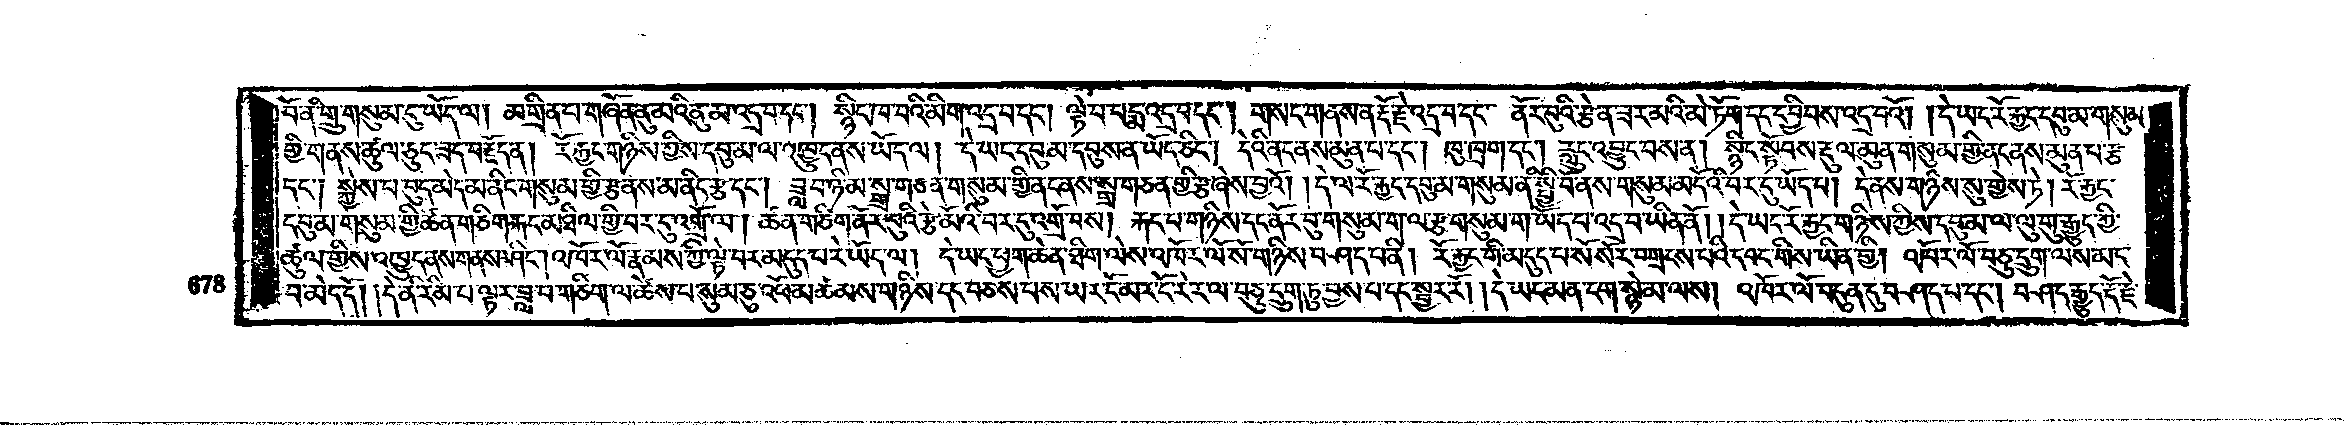བོ་ནི་གྲུ་གསུམ་དུ་ཡོད་ལ། མགྲིན་པ་གཞོན་ནུ་མའི་ནུ་མ་འདྲ་བ་དང་། སྙིང་ཁ་བའི་མིག་འདྲ་བ་དང་། ལྟེ་བ་པདམ་འདྲ་བ་དང་། གསང་གནས་ན་རྡོ་རྗེ་འདྲ་བ་དང་། ནོར་བུའི་རྩེ་ན་ཟར་མའི་མེ་ཏོག་དང་དབྱིབས་འདྲ་བའོ། །དེ་ཡང་རོ་རྐྱང་དབུ་མ་གསུམ་
གྱི་གནས་ཚུལ་ཅུང་ཟད་བརྗོད་ན། རོ་རྐྱང་གཉིས་ཀྱིས་དབུ་མ་ལ་འཁྱུད་ནས་ཡོད་ལ། དེ་ཡང་དབུ་མ་དབུས་ན་ཡོད་ཅིང་། དེའི་ནང་ནས་མུན་པ་དང་། ཁུ་ཁྲག་དང་། རླུང་འབྱུང་བས་ན། སྙིང་སྟོབས་རྡུལ་མུན་གསུམ་གྱི་ནང་ནས་མུན་པ་རྩ་
དང་། སྐྱེས་པ་བུད་མེད་མ་ནིང་གསུམ་གྱི་རྩ་ནས་མ་ནིང་རྩ་དང་། ཟླ་བ་ཉི་མ་སྒྲ་གཅན་གསུམ་གྱི་ནང་ནས་སྒྲ་གཅན་གྱི་རྩ་ཞེས་བྱའོ། །དེ་ལ་རོ་རྒྱང་དབུ་མ་གསུམ་ནི་སྤྱི་བོ་ནས་གསུམ་མདོའི་བར་དུ་ཡོད་པ། དེ་ནས་གཉིས་སུ་གྱེས་ཏེ། རོ་རྐྱང་
དབུ་མ་གསུམ་གྱི་ཚན་གཅིག་རྐང་མཐིལ་གྱི་བར་དུ་འགྲོ་ལ། ཚན་གཅིག་ནོར་བུའི་རྩེ་མོའི་བར་དུ་འགྲོ་བས། རྐང་པ་གཉིས་དང་ནོར་བུ་གསུམ་ག་ལ་རྩ་གསུམ་ག་ཡོད་པ་འདྲ་བ་ཡིན་ནོ། །དེ་ཡང་རོ་རྐྱང་གཉིས་ཀྱིས་དབུ་མ་ལ་ལུ་གུ་རྒྱུད་ཀྱི་
ཚུལ་གྱིས་འཁྱུད་ནས་གནས་ཤིང་། འཁོར་ལོ་རྣམས་ཀྱི་ལྟེ་བར་མདུད་པ་རེ་ཡོད་ལ། དེ་ཡང་ཕྱག་ཆེན་ཐིག་ལེས་འཁོར་ལོ་སོ་གཉིས་བཤད་པ་ནི། རོ་རྐྱང་གི་མདུད་པ་སོ་སོར་བགྲངས་པའི་དབང་གིས་ཡིན་གྱི། འཁོར་ལོ་བཅུ་དྲུག་ལས་མང་
བ་མེད་དོ། །དེ་ནི་རིམ་པ་ལྟར་ཟླ་བ་གཅིག་ལ་ཚེས་པ་སུམ་ཅུ་འཕོ་མཚམས་གཉིས་དང་བཅས་པས་ཡར་ངོ་མར་ངོ་རེ་རེ་ལ་བཅུ་དྲུག་ཏུ་བྱས་པ་དང་སྦྱར་རོ། །དེ་ཡང་མན་ངག་སྙེ་མ་ལས། འཁོར་ལོ་བདུན་དུ་བཤད་པ་དང་། བཤད་རྒྱུད་རྡོ་རྗེ་